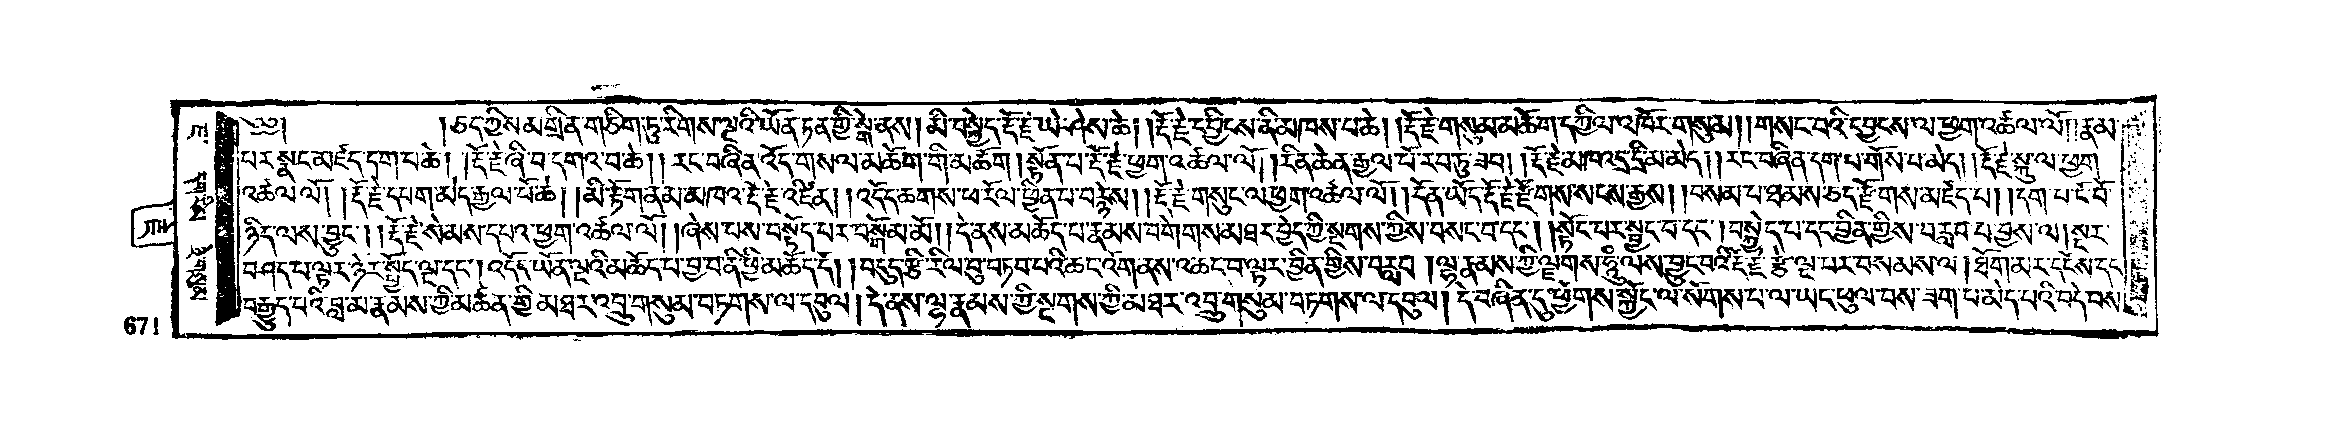༄༅། །ཅད་ཀྱིས་མགྲིན་གཅིག་ཏུ་རིགས་ལྔའི་ཡོན་ཏན་གྱི་སྒོ་ནས། མི་བསྐྱོད་རྡོ་རྗེ་ཡེ་ཤེས་ཆེ། །རྡོ་རྗེ་དབྱིངས་ནི་མཁས་པ་ཆེ། །རྡོ་རྗེ་གསུམ་མཆོག་དཀྱིལ་འཁོར་གསུམ། །གསང་བའི་དབྱངས་ལ་ཕྱག་འཚལ་ལོ། །རྣམ་
པར་སྣང་མཛད་དག་པ་ཆེ། །རྡོ་རྗེ་ཞི་བ་དགའ་བ་ཆེ། །རང་བཞིན་འོད་གསལ་མཆོག་གི་མཆོག །སྟོན་པ་རྡོ་རྗེ་ཕྱག་འཚལ་ལོ། །རིན་ཆེན་རྒྱལ་པོ་རབ་ཏུ་ཟབ། །རྡོ་རྗེ་མཁའ་འདྲ་དི་མ་མེད། །རང་བཞིན་དག་པ་གོས་པ་མེད། །རྡོ་རྗེ་སྐུ་ལ་ཕག་
འཚལ་ལོ། །རྡོ་རྗེ་དཔག་མེད་རྒྱལ་པོ་ཆེ། །མི་རྟོག་ནམ་མཁའ་རྡོ་རྗེ་འཛིན། །འདོད་ཆགས་ཕ་རོལ་ཕྱིན་པ་བརྙེས། །རྡོ་རྗེ་གསུང་ལ་ཕྱག་འཚལ་ལོ། །དོན་ཡོད་རྡོ་རྗེ་རྫོགས་སངས་རྒྱས། །བསམ་པ་ཐམས་ཅད་རྫོགས་མཛད་པ། །དག་པ་ངོ་བོ་
ཉིད་ལས་བྱུང་། །རྡོ་རྗེ་སེམས་དཔའ་ཕྱག་འཚལ་ལོ། །ཞེས་པས་བསྟོད་པར་བསྒོམ་མོ། །དེ་ནས་མཆོད་པ་རྣམས་བགེགས་མཐར་བྱེད་ཀྱི་སྔགས་ཀྱིས་བསང་བ་དང་། །སྟོང་པར་སྦྱང་བ་དང་། བསྐྱེད་པ་དང་བྱིན་གྱིས་བརླབ་པ་བྱས་ལ། སྔར་
བཤད་པ་ལྟར་ཉེར་སྤྱོད་ལྔ་དང་། འདོད་ཡོན་ལྔའི་མཆོད་པ་བྱ་བ་ནི་ཕྱི་མཆོད་དེ། །བདུད་རྩི་རིལ་བུ་བཏབ་པའི་ཆང་འོག་ནས་འཆང་བ་ལྟར་བྱིན་གྱིས་བརླབ་།ལྷ་རྣམས་ཀྱི་ལྗགས་ཧཱུཾ་ལས་བྱུང་བའི་རྡོ་རྗེ་རྩེ་ལྔ་པར་བསམས་ལ། ཐོག་མར་དངོས་དང་
བརྒྱུད་པའི་བླ་མ་རྣམས་ཀྱི་མཚན་གྱི་མཐར་འབྲུ་གསུམ་བཏགས་ལ་དབུལ། དེ་ནས་ལྷ་རྣམས་ཀྱི་སྔགས་ཀྱི་མཐར་འབྲུ་གསུམ་བཏགས་ལ་དབུལ། དེ་བཞིན་དུ་ཕྱོགས་སྐྱོང་ལ་སོགས་པ་ལ་ཡང་ཕུལ་བས་ཟག་པ་མེད་པའི་བདེ་བས་